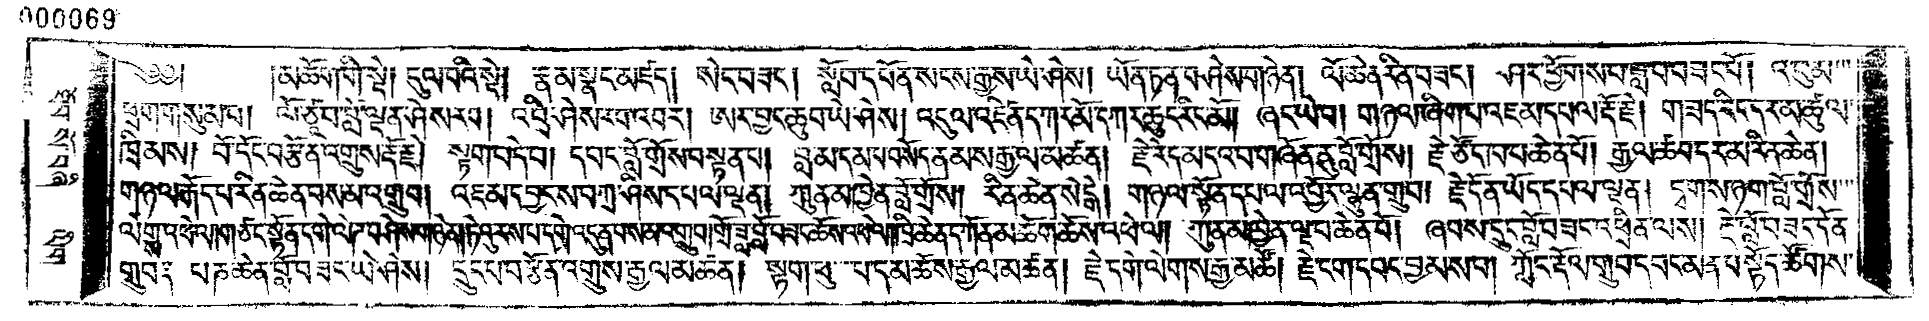༄༅། །མཆོག་གི་སྡེ། དུལ་བའི་སྡེ། རྣམ་སྣང་མཛད། སེང་བཟང་། སློབ་དཔོན་སངས་རྒྱས་ཡེ་ཤེས། ཡོན་ཏན་བཤེས་གཉེན། ལོ་ཆེན་རིན་བཟང་། ཤར་ཕྱོགས་པ་ཟླ་བ་བཟང་པོ། འབུམ་
ཕྲག་གསུམ་པ། ལོ་ཙཱ་བ་བློ་ལྡན་ཤེས་རབ། འབྲི་ཤེས་རབ་འབར། ཨར་བྱང་ཆུབ་ཡེ་ཤེས། འདུལ་འཛིན་དཀར་མོ་དཀར་ཆུང་རིང་མོ། ཞང་ཡེ་བ། གཉལ་ཞིག་པ་འཇམ་དཔལ་རྡོ་རྗེ། གཟད་རིང་དར་མ་ཚུལ་
ཁྲིམས། བོ་དོང་བརྩོན་འགྲུས་རྡོ་རྗེ། སྟག་བདེ་བ། དབང་བློ་གྲོས་བསྟན་པ། བླ་མ་དམ་པ་བསོད་ནམས་རྒྱལ་མཚན། རྗེ་རེད་མདའ་བ་གཞོན་ནུ་བློ་གྲོས། རྗེ་ཙོང་ཁ་པ་ཆེན་པོ། རྒྱལ་ཚབ་དར་མ་རིན་ཆེན།
གཉལ་རྒོད་པ་རིན་ཆེན་བསམ་འགྲུབ། འཇམ་དབྱངས་བཀྲ་ཤིས་དཔལ་ལྡན། ཀུན་མཁྱེན་བློ་གྲོས། རིན་ཆེན་སེངྒེ། གཉལ་སྟོན་དཔལ་འབྱོར་ལྷུན་གྲུབ། རྗེ་དོན་ཡོད་དཔལ་ལྡན། དྭགས་ཉག་བློ་གྲོས་
ལེགས་འཕེལ་།གཙང་སྟོན་དགེ་ལེཌ་བཤེས་གཉེན། ཏེའུ་རས་པ་དགེ་འདུན་བསམ་འགྲུབ་།གྲོ་ཟླ་བློ་བཟང་ཆོས་འཕེལ། །ཁྲི་ཆེན་དཀོན་མཆོག་ཆོས་འཕེལ། ཀུན་མཁྱེན་ལྔ་པ་ཆེན་པོ། ཞབས་དྲུང་བློ་བཟང་འཕྲིན་ལས། རྗེ་བློ་བཟང་དོན་
གྲུབ༑ པཎ་ཆེན་བློ་བཟང་ཡེ་ཤེས། དྲུང་པ་བརྩོན་འགྲུས་རྒྱལ་མཚན། སྟག་ཕུ་པ་དམ་ཆོས་རྒྱལ་མཚན། རྗེ་དགེ་ལེགས་རྒྱ་མཚོ། རྗེ་ངག་དབང་བྱམས་པ། ཀློང་རྡོལ་གྲུབ་དབང་མན་པ་སྟོད་ཚོགས་